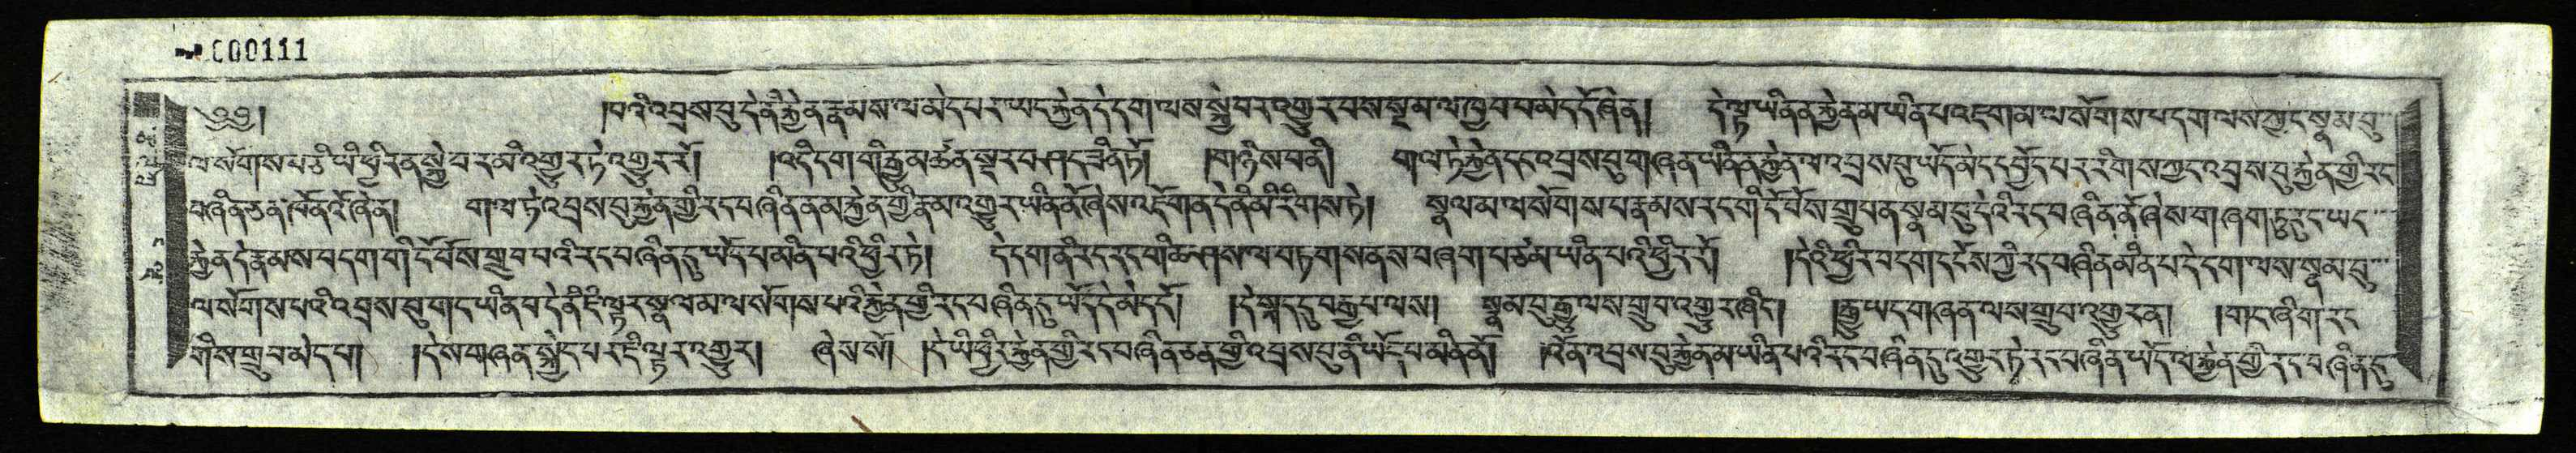༄༅། །པའི་འབྲས་བུ་དེ་ནི་རྐྱེན་རྣམས་ལ་མེད་པར་ཡང་རྐྱེན་དེ་དག་ལས་སྐྱེ་བར་འགྱུར་བས་སྔ་མ་ལ་ཁྱབ་པ་མེད་དོ་ཞེ་ན། དེ་ལྟ་ཡིན་ན་རྐྱེན་མ་ཡིན་པ་འཇག་མ་ལ་སོགས་པ་དག་ལས་ཀྱང་སྣམ་བུ་
ལ་སོགས་པ་ཅི་ཡི་ཕྱིར་ན་སྐྱེ་བར་མི་འགྱུར་ཏེ་འགྱུར་རོ། །འདི་དག་གི་རྒྱུ་མཚན་སྔར་བཤད་ཟིན་ཏོ། །གཉིས་པ་ནི། གལ་ཏེ་རྐྱེན་དང་འབྲས་བུ་གཞན་ཡིན་ན་རྐྱེན་ལ་འབྲས་བུ་ཡོད་མེད་དཔྱོད་པར་རིགས་ཀྱང་འབྲས་བུ་རྐྱེན་གྱི་རང་
བཞིན་ཅན་ཁོ་ནའོ་ཞེ་ན། གལ་ཏེ་འབྲས་བུ་རྐྱེན་གྱི་རང་བཞིན་ནམ་རྐྱེན་གྱི་རྣམ་འགྱུར་ཡིན་ནོ་ཞེས་འཇོག་ན་དེ་ནི་མི་རིགས་ཏེ། སྣལ་མ་ལ་སོགས་པ་རྣམས་རང་གི་ངོ་བོས་གྲུབ་ན་སྣམ་བུ་དེའི་རང་བཞིན་ནོ་ཞེས་གཞག་ཏུ་རུང་ཡང་
རྐྱེན་དེ་རྣམས་བདག་གི་ངོ་བོས་གྲུབ་པའི་རང་བཞིན་དུ་ཡོད་པ་མིན་པའི་ཕྱིར་ཏེ། དེ་དག་ནི་རང་རང་གི་ཆ་ཤས་ལ་བཏགས་ནས་བཞག་པ་ཙམ་ཡིན་པའི་ཕྱིར་རོ། །དེའི་ཕྱིར་བདག་དངོས་ཀྱི་རང་བཞིན་མིན་པ་དེ་དག་ལས་སྣམ་བུ་
ལ་སོགས་པའི་འབྲས་བུ་གང་ཡིན་པ་དེ་ནི་ཇི་ལྟར་སྣལ་མ་ལ་སོགས་པའི་རྐྱེན་གྱི་རང་བཞིན་དུ་ཡོད་དེ་མེད་དོ། །དེ་སྐད་དུ་བརྒྱ་པ་ལས། སྣམ་བུ་རྒྱུ་ལས་གྲུབ་འགྱུར་ཞིང་། །རྒྱུ་ཡང་གཞན་ལས་གྲུབ་འགྱུར་ན། །གང་ཞིག་རང་
གིས་གྲུབ་མེད་པ། །དེས་གཞན་སྐྱེད་པར་ཇི་ལྟར་འགྱུར། ཞེས་སོ། །དེ་ཡི་ཕྱིར་རྐྱེན་གྱི་རང་བཞིན་ཅན་གྱི་འབྲས་བུ་ནི་ཡོད་པ་མིན་ནོ། །འོ་ན་འབྲས་བུ་རྐྱེན་མ་ཡིན་པའི་རང་བཞིན་དུ་འགྱུར་ཏེ་རང་བཞིན་ཡོད་ལ་རྐྱེན་གྱི་རང་བཞིན་དུ་